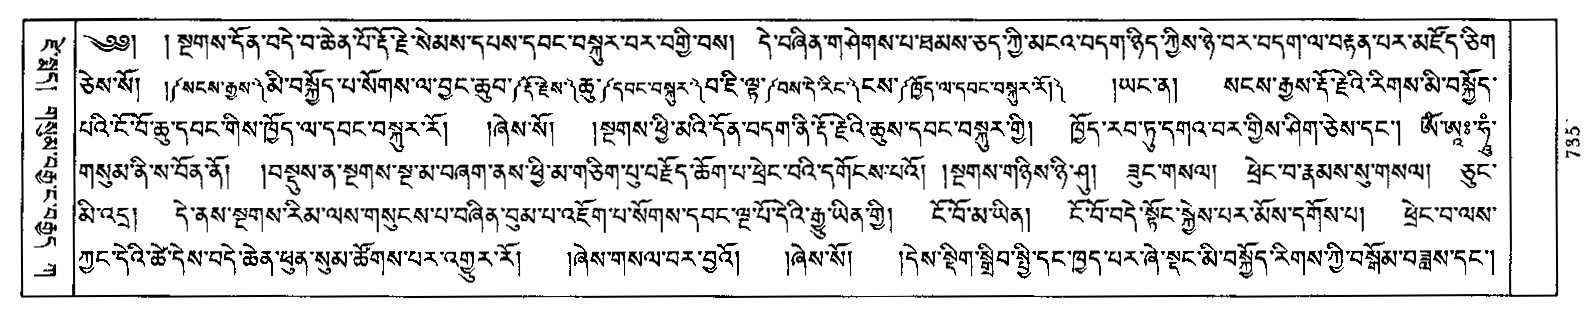༄༅། །སྔགས་དོན་བདེ་བ་ཆེན་པོ་རྡོ་རྗེ་སེམས་དཔས་དབང་བསྐུར་བར་བགྱི་བས། དེ་བཞིན་གཤེགས་པ་ཐམས་ཅད་ཀྱི་མངའ་བདག་ཉིད་ཀྱིས་ཉེ་བར་བདག་ལ་བརྟན་པར་མཛོད་ཅིག་
ཅེས་སོ། །༼སངས་རྒྱས྄་མི་བསྐྱོད་པ་སོགས་ལ་བྱང་ཆུབ་༽རྡོ་རྗེས྄་ཆུ ༼དབང་བསྐུར྄་བ་ཇི་ལྟ་༽བས་དེ་རིང྄་ངས་ཁྱོད་ལ་དབང་བསྐུར་རོ།?་།ཡང་ན། སངས་རྒྱས་རྡོ་རྗེའི་རིགས་མི་བསྐྱོད་
པའི་ངོ་བོ་ཆུ་དབང་གིས་ཁྱོད་ལ་དབང་བསྐུར་རོ། །ཞེས་སོ། །སྔགས་ཕྱི་མའི་དོན་བདག་ནི་རྡོ་རྗེའི་ཆུས་དབང་བསྐུར་གྱི། ཁྱོད་རབ་ཏུ་དགའ་བར་གྱིས་ཤིག་ཅེས་དང་། ཨོཾ་ཨཱཿ ཧཱུཾ་
གསུམ་ནི་ས་བོན་ནོ། །བསྡུས་ན་སྔགས་སྔ་མ་བཞག་ནས་ཕྱི་མ་གཅིག་པུ་བརྗོད་ཆོག་པ་ཕྲེང་བའི་དགོངས་པའོ། །སྔགས་གཉིས་ཉི་ཤུ། ཟུང་གསལ། ཕྲེང་བ་རྣམས་སུ་གསལ། ཅུང་
མི་འདྲ། དེ་ནས་སྔགས་རིམ་ལས་གསུངས་པ་བཞིན་བུམ་པ་འཇོག་པ་སོགས་དབང་ལྔ་པོ་དེའི་རྒྱུ་ཡིན་གྱི། ངོ་བོ་མ་ཡིན། ངོ་བོ་བདེ་སྟོང་སྐྱེས་པར་མོས་དགོས་པ། ཕྲེང་བ་ལས་
ཀྱང་དེའི་ཚེ་དེས་བདེ་ཆེན་ཕུན་སུམ་ཚོགས་པར་འགྱུར་རོ། །ཞེས་གསལ་བར་བྱའོ། །ཞེས་སོ། །དེས་སྡིག་སྒྲིབ་སྤྱི་དང་ཁྱད་པར་ཞེ་སྡང་མི་བསྐྱོད་རིགས་ཀྱི་བསྒོམ་བཟླས་དང་།